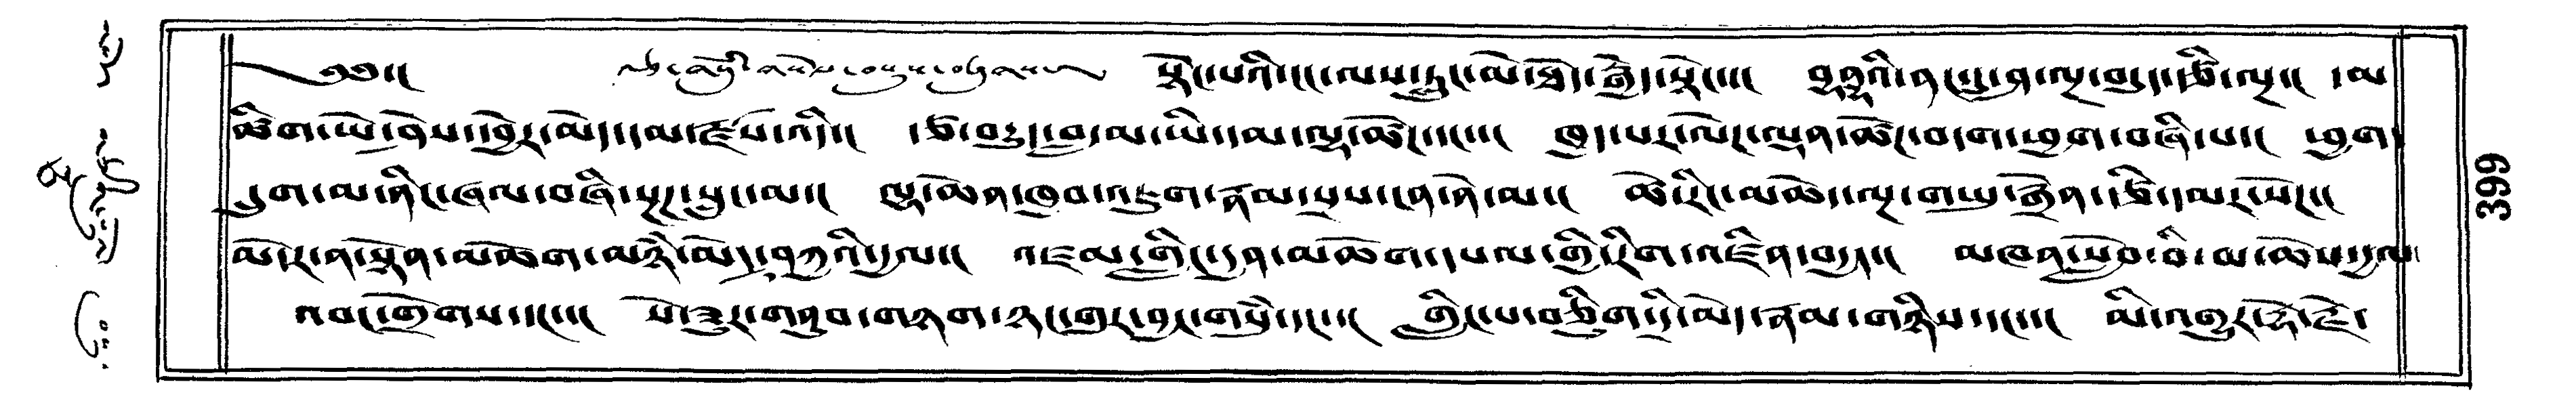༄༅། རྩ་གསུམ་གསོལ་བསྡུས་བཞུགས། སྟོང་པའི་ངང་ལས་རླུང་མེ་ཐོད་སྒྱེད་སྟེང། །བྷནྡྷའི་ནང་དུ་ཤ་ལྔ་བདུད་རྩི་ལྔ། །དམ་
ཚིག་ཡེ་ཤེས་དབྱེར་མེད་དམ་རྫས་འདི། །རྩ་བརྒྱུད་བླ་མ་ཡི་དམ་ལྷ་ཚོགས་དང། །ཁྱད་པར་ལེགས་ལྡན་ཚོགས་བདག་ཕྱག་བཞི་པ། །ཕྱག་
དྲུག་མ་ནིང་ཞལ་བཞི་སྔགས་སྲུང་མ། །ལྷ་ཆེན་ཁྱབ་འཇུག་རྣམ་སྲས་ངན་ནེ་མ། །ཚེ་རིང་མཆེད་ལྔ་གཡུ་སྒྲོན་ཙི་དམར་སོགས། །
མདོར་ན་སྟོན་མཆོག་མཉམ་མེད་ཤཱཀྱའི་རྒྱལ། །འཛམ་གླིང་རྒྱན་མཆོག་དཔལ་གྱི་རིག་འཛིན་བརྒྱད། །མཁན་སློབ་བཱི་མ་ཆོས་རྒྱལ་
འབངས་གྲོགས་དང་། །སོ་ཟུར་གནུབས་གཉགས་ཉང་གུར་བྱང་གསུམ་དང་། །གླིང་པ་བཅུ་གཅིག་དྲི་མེད་རྣམ་གཉིས་དང་། །མི་འགྱུར་རྡོ་རྗེ་